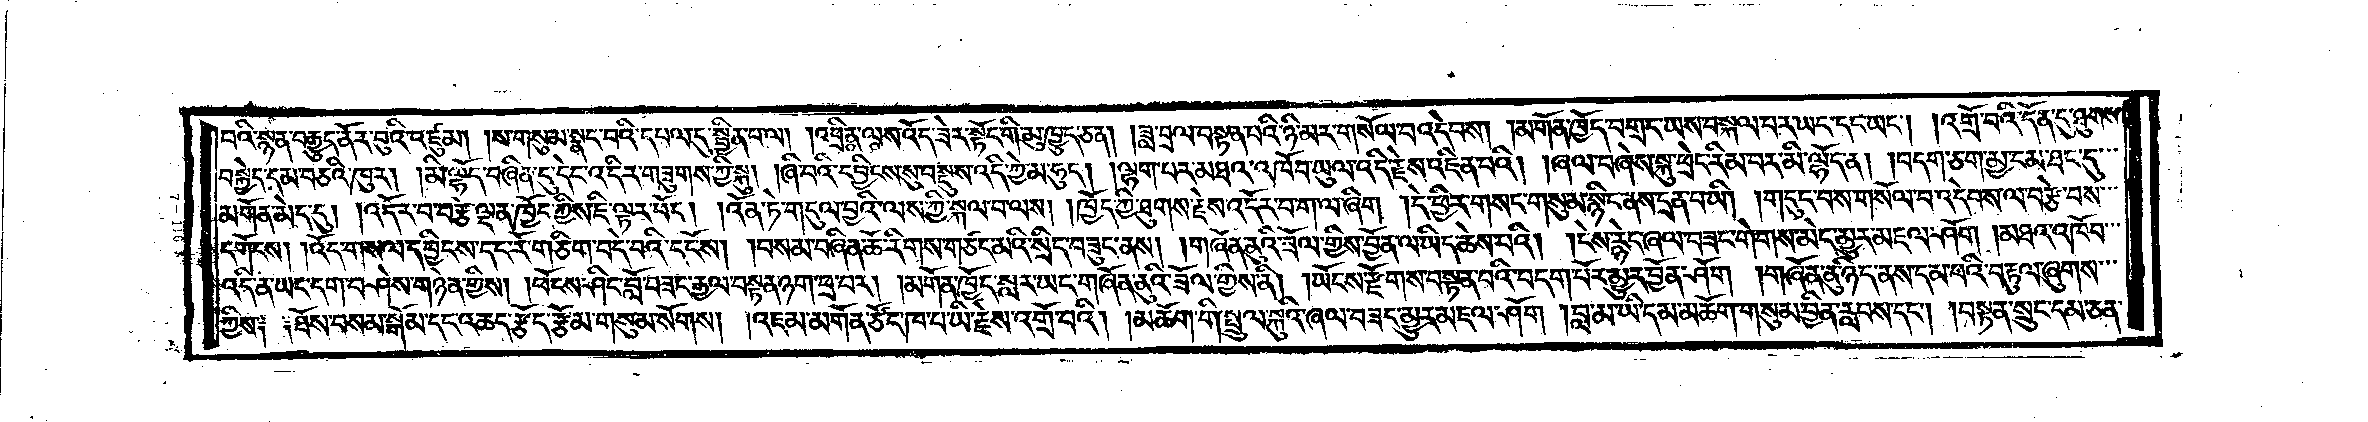བའི་སྙན་བརྒྱུད་ནོར་བུའི་འཛུམ། །ས་གསུམ་སྣང་བའི་དཔལ་དུ་སྦྱིན་བ་ལ། །འཕྲིན྾་ལས྾་འོད་ཟེར་སྟོང་གི་མུ་ཁྱུད་ཅན། །ཟླ་བྲལ་བསྟན་པའི་ཉི་མར་གསོལ་བ་འདེབས། །མགོན་ཁྱོད་བགྲང་ཡས་བསྐལ་བར་ཡང་དང་ཡང་། །འགྲོ་བའི་དོན་དུ་ཐུགས་
བསྐྱེད་དམ་བཅའི་ཁུར། །མི་ལྷོད་བཞིན་དུ་དེང་འདིར་གཟུགས་ཀྱི་སྐུ། །ཞི་བའི་དབྱིངས་སུ་བསྡུས་འདི་ཀྱེ་མ་ཧུད། །ལྷག་པར་མཐའ་འཁོ་བ་ཡུལ་འདི་རྗེས་འཛིན་པའི། །ཞལ་བ་ཞེས་སྐུ་ཕྲེང་རིམ་པར་མི་ལྷོད་ན། །བདག་ཅག་མྱ་ངམ་ཐང་དུ་
མགོན་མེད་དུ། །འདོར་བ་བརྩེ་ལྡན་ཁྱོད་ཀྱིས་ཇི་ལྟར་ཕོང་། །འོན་ཏེ་གདུལ་བྱའི་ལས་ཀྱི་སྐལ་བ་ལས། །ཁྱོད་ཀྱི་ཐུགས་རྗེས་འདོར་བ་ག་ལ་ཞིག །དེ་ཕྱིར་གསང་གསུམ་སྙིང་ནས་དྲན་པ་ཡི། །གདུང་བས་གསོལ་བ་འདེབས་ལ་བརྩེ་བས་
དགོངས། །འོད་གསལ་དབྱིངས་དང་རོ་གཅིག་བདེ་བའི་དངོས། །བསམ་བཞིན་ཆོ་རིགས་གཙང་མའི་སྲིད་བཟུང་ནས། །གཞོན་ནུའི་ཟོལ་གྱིས་བྱོན་ལ་ཡིད་ཆེས་བའི། །ངེས་རྙེད་ཞལ་བཟང་གེགས་མེད་མྱུར་མཇལ་ཤོག །མཐའ་འཁོབ་
འདི་ན་ཡང་དག་བཤེས་གཉེན་གྱིས། །ཕོངས་ཤིང་བློ་བཟང་རྒྱལ་བསྟན་ཉག་ཕྲ་བར། །མགོན་ཁྱོད་སླར་ཡང་གཞོན་ནུའི་ཟོལ་གྱིས་ནི། །ཡོངས་རྫོགས་བསྟན་པའི་བདག་པོར་མྱུར་བྱོན་ཤོག །གཞོན་ནུ྾་ཉིད་ནས་དམ་པའི་བརྟུལ་ཞུགས་
ཀྱིས༑ ༑ཐོས་བསམ་སྒོམ་དང་འཆད་རྩོད་རྩོམ་གསུམ་སོགས། །འཇམ་མགོན་ཙོང་ཁ་པ་ཡི་རྗེས་འགྲོ་བའི། །མཆོག་གི་སྤྲུལ་སྐུའི་ཞལ་བཟང་མྱུར་མཇལ་ཤོག །བླ་མ་ཡི་དམ་མཆོག་གསུམ་བྱིན་རླབས་དང་། །བསྟན་སྲུང་དམ་ཅན་